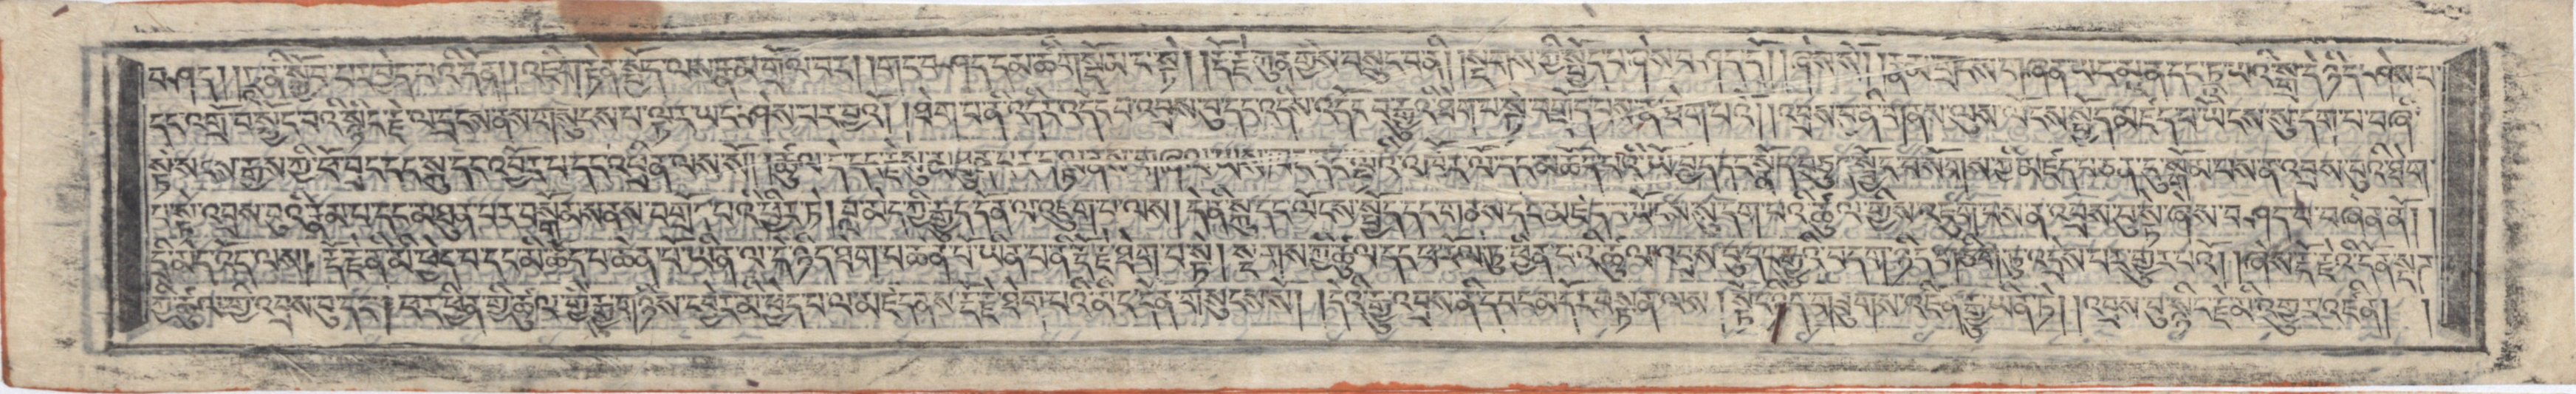བཤད། །ཏྲཱ་ནི་སྐྱོབ་པར་བྱེད་པའི་དོན། །འཇིག་རྟེན་སྤྱོད་ལས་རྣམ་གྲོལ་བར། །གང་བཤད་དམ་ཚིག་སྡོམ་པ་སྟེ། །རྡོ་རྗེ་ཀུན་གྱིས་བསྲུང་བ་ནི། །སྔགས་ཀྱི་སྤྱོད་པ་ཞེས་བཤད་དོ། །ཞེས་སོ། །རྣམ་གྲངས་གཞན་ཡང་མཱ་ན་དང་ཏྲཱ་ཡའི་སྒྲ་དེ་ཉིད་ཤེས་པ་
དང་འགྲོ་བ་སྐྱོང་བའི་སྙིང་རྗེ་ལ་དྲངས་ནས་གསུངས་པ་ལྟར་ཡང་ཤེས་པར་བྱའོ། །ཐེག་པ་ནི་འདིར་འདོད་པ་འབྲས་བུ་དང་འདིས་འདོད་བ་རྒྱུའི་ཐེག་པ་སྟེ་བགྲོད་པས་ན་ཐེག་པའོ། །འབྲས་བུ་ནི་གནས་ལུས་ལོངས་སྤྱོད་མཛད་པ་ཡོངས་སུ་དག་པ་བཞི་
སྟེ་སངས་རྒྱས་ཀྱི་ཕོ་བྲང་དང་སྐུ་དང་འབྱོར་བ་དང་འཕྲིན་ལས་སོ། །ཚུལ་དེ་དང་རྗེས་སུ་མཐུན་པར་ད་ལྟ་ནས་གཞལ་ཡས་ཁང་དང་ལྷའི་འཁོར་ལོ་དང་མཆོད་པའི་ཡོ་བྱད་དང་སྣོད་བཅུད་སྦྱོང་བ་སོགས་ཀྱི་མཛད་པ་ཅན་དུ་སྒོམ་པས་ན་འབྲས་བུའི་ཐེག་
པ་སྟེ་འབྲས་བུའི་རྣམ་པ་དང་མཐུན་པར་བསྒོམས་ནས་བགྲོད་པའི་ཕྱིར་ཏེ། བླ་མེད་ཀྱི་རྒྱུད་དོན་ལ་འཇུག་པ་ལས། དེ་ནི་སྐུ་དང་ལོངས་སྤྱོད་དང་གནས་དང་མཛད་པ་ཡོངས་སུ་དག་པའི་ཚུལ་གྱིས་འཇུག་པས་ན་འབྲས་བུ་སྟེ་ཞེས་བཤད་པ་བཞིན་ནོ། །
དྲི་མེད་འོད་ལས། རྡོ་རྗེ་ནི་མི་ཕྱེད་པ་དང་མི་ཆོད་པ་ཆེན་པོ་ཡིན་ལ་དེ་ཉིད་ཐེག་པ་ཆེན་པོ་ཡིན་པ་ནི་རྡོ་རྗེ་ཐེག་པ་སྟེ། སྔགས་ཀྱི་ཚུལ་དང་ཕ་རོལ་ཏུ་ཕྱིན་པའི་ཚུལ་འབྲས་བུ་དང་རྒྱུའི་བདག་ཉིད་གཅིག་ཏུ་འདྲེས་པར་གྱུར་པའོ། །ཞེས་རྡོ་རྗེའི་དོན་སྔགས་
ཀྱི་ཚུལ་གྱི་འབྲས་བུ་དང་། ཕར་ཕྱིན་གྱི་ཚུལ་གྱི་རྒྱུ་གཉིས་དབྱེར་མི་ཕྱེད་པ་ལ་མཛད་ནས་རྡོ་རྗེ་ཐེག་པའི་མིང་དོན་གསུངས་སོ། །དེའི་རྒྱུ་འབྲས་ནི་དབང་མདོར་བསྟན་ལས། སྟོང་ཉིད་གཟུགས་འཛིན་རྒྱུ་ཡིན་ཏེ། །འབྲས་བུ་སྙིང་རྗེ་མི་འགྱུར་འཛིན། །